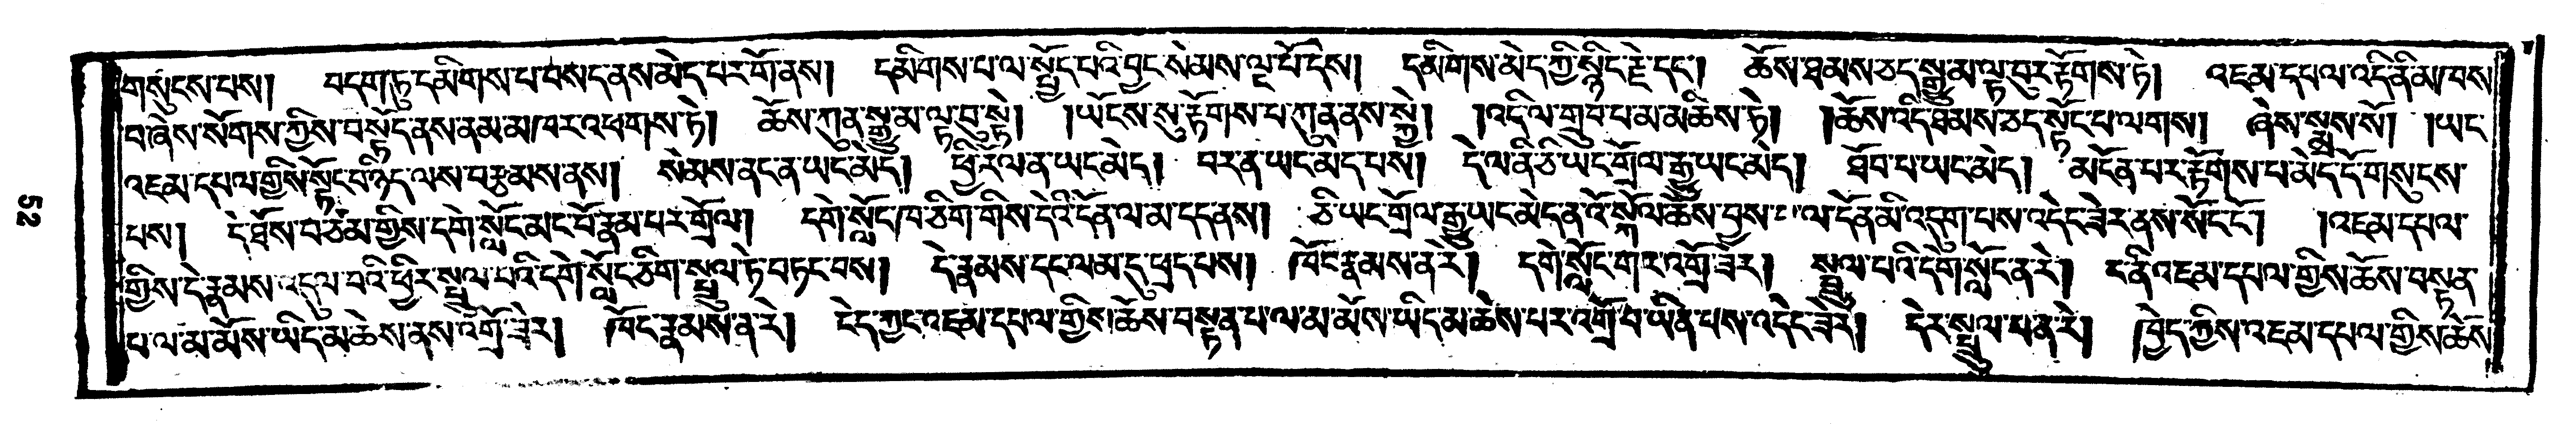གསུངས་པས། བདག་ཏུ་དམིགས་པ་བསད་ནས་མེད་པར་གོ་ནས། དམིགས་པ་ལ་སྤྱོད་པའི་བྱང་སེམས་ལྔ་པོ་དེས། དམིགས་མེད་ཀྱི་སྙིང་རྗེ་དང་། ཆོས་ཐམས་ཅད་སྒྱུ་མ་ལྟ་བུར་རྟོགས་ཏེ། འཇམ་དཔལ་འདི་ནི་མཁས་
པ་ཞེས་སོགས་ཀྱིས་བསྟོད་ནས་ནམ་མཁར་འཕགས་ཏེ། ཆོས་ཀུན་སྒྱུ་མ་ལྟ་བུ་སྟེ། །ཡོངས་སུ་རྟོགས་པ་ཀུན་ནས་སྐྱེ། །འདི་ལ་གྲུབ་པ་མ་མཆིས་ཏེ། །ཆོས་འདི་ཐམས་ཅད་སྟོང་པ་ལགས། ཞེས་སྨྲས་སོ། །ཡང་
འཇམ་དཔལ་གྱིས་སྟོང་པ་ཉིད་ལས་བརྩམས་ནས། སེམས་ནང་ན་ཡང་མེད། ཕྱི་རོལ་ན་ཡང་མེད། བར་ན་ཡང་མེད་པས། དེ་ལ་ནི་ཅི་ཡང་གྲོལ་རྒྱུ་ཡང་མེད། ཐོབ་པ་ཡང་མེད། མངོན་པར་རྟོགས་པ་མེད་དོ་གསུངས་
པས། དེ་ཐོས་པ་ཙམ་གྱིས་དགེ་སློང་མང་པོ་རྣམ་པར་གྲོལ། དགེ་སློང་ཁ་ཅིག་གིས་དེའི་དོན་ལ་མ་དད་ནས། ཅི་ཡང་གྲོལ་རྒྱུ་ཡང་མེད་ན་འོ་སྐོལ་ཆོས་བྱས་པ་ལ་དོན་མི་འདུག་པས་འདེང་ཟེར་ནས་སོང་ངོ། །འཇམ་དཔལ་
གྱིས་དེ་རྣམས་འདུལ་བའི་ཕྱིར་སྤྲུལ་པའི་དགེ་སློང་ཅིག་སྤྲུལ་ཏེ་བཏང་བས། དེ་རྣམས་དང་ལམ་དུ་ཕྲད་པས། ཁོང་རྣམས་ན་རེ། དགེ་སློང་གར་འགྲོ་ཟེར། སྤྲུལ་པའི་དགེ་སློང་ན་རེ། ད་ནི་འཇམ་དཔལ་གྱིས་ཆོས་བསྟན་
པ་ལ་མ་མོས་ཡིད་མ་ཆེས་ནས་འགྲོ་ཟེར། ཁོང་རྣམས་ན་རེ། ངེད་ཀྱང་འཇམ་དཔལ་གྱིས་ཆོས་བསྟན་པ་ལ་མ་མོས་ཡིད་མ་ཆེས་པར་འགྲོ་བ་ཡིན་པས་འདེང་ཟེར། དེར་སྤྲུལ་པ་ན་རེ། ཁྱེད་ཀྱིས་འཇམ་དཔལ་གྱིས་ཆོས་